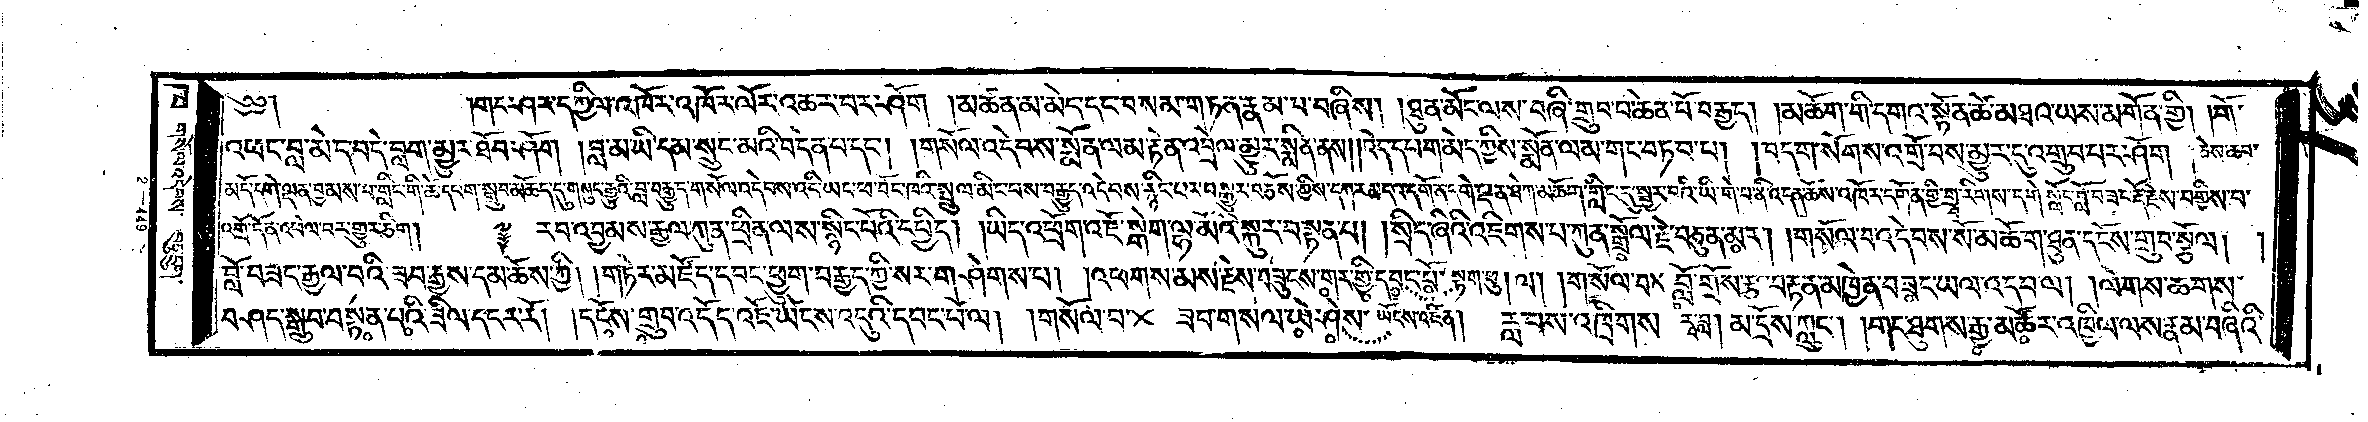༄༅། །གང་ཤར་དཀྱིལ་འཁོར་འཁོར་ལོར་འཆར་བར་ཤོག །མཚན་མ་མེད་དང་བསམ་གཏན་རྣམ་པ་བཞིས། །ཐུན་མོང་ལས་བཞི་གྲུབ་པ་ཆེན་པོ་བརྒྱད། །མཆོག་གི་དགའ་སྟོན་ཚེ་མཐའ་ཡས་མགོན་གྱི། །གོ་
འཕང་བླ་མེད་བདེ་བླག་མྱུར་ཐོབ་ཤོག །བླ་མ་ཡི་དམ་སྲུང་མའི་བདེན་པ་དང་། །གསོལ་འདེབས་སྨོན་ལམ་རྟེན་འབྲེལ་མྱུར་སྨིན་ནས། །འོད་དཔག་མེད་ཀྱིས་སྨོན་ལམ་གང་བཏབ་པ། །བདག་སོགས་འགྲོ་བས་མྱུར་དུ་འགྲུབ་པར་ཤོག །ཅེས་ཆབ་
མདོ་དགེ་ལྡན་བྱམས་པ་གླིང་གི་ཚེ་དཔག་སྒྲུབ་མཆོད་དུ་གསུང་རྒྱུའི་བླ་བརྒྱུད་གསོལ་འདེབས་འདི་ཡང་ཕ་བོང་ཁའི་སྤྲུལ་མིང་པས་བརྒྱུད་འདེབས་རྙིང་པར་བསྒྱུར་བཅོས་ཀྱིས་དཀར་མདའ་དགོན་དགེ་ལྡན་ཐེག་མཆོག་གླིང་དུ་སྦྱར་བའི་ཡི་གེ་བ་ནི་འདན་ཆོས་འཁོར་དགོན་གྱི་གྲྭ་རིགས་དགེ་སློང་བློ་བཟང་རྡོ་རྗེས་བགྱིས་བ་
འགྲོ་དོན་འཕེལ་བར་གྱུར་ཅིག ། ༈ རབ་འབྱམས་རྒྱལ་ཀུན་ཕྲིན་ལས་སྙིང་པོའི་དཔྱིད། །ཡིད་འཕྲོག་འཇོ་སྒེག་ལྷ་མོའི་སྐུར་བསྟན་པ། །སྲིད་ཞིའི་འཇིགས་པ་ཀུན་སྒྲོལ་རྗེ་བཙུན་མར། །གསོལ་བ་འདེབས་སོ་མཆོག་ཐུན་དངོས་གྲུབ་སྩོལ། །
བློ་བཟང་རྒྱལ་བའི་ཟབ་རྒྱས་དམ་ཆོས་ཀྱི། །གཏེར་མཛོད་དབང་ཕྱུག་བརྒྱད་ཀྱི་སར་གཤེགས་པ། །འཕགས་མས་རྗེས་བཟུངས་གར་གྱི་དབང་པོ་སྟག་ཕུ།  ལ་།།གསོལ་བ་྾་བློ་གྲོས་རྩ་བརྟན་མཁྱེན་བཟང་ཡལ་འདབ་ལ། །ལེགས་ཆགས་
བཤད་སྒྲུབ་བསྟན་པའི་ཟིལ་དངར་རོ། །དངོས་གྲུབ་འདོད་འཇོ་ཡོངས་འདུའི་དབང་པོ་ལ། །གསོལ་བ་྾་ཟབ་གསལ་ཡེ་ཤེས་ཡོངས་འཛིན།  རླབས་འཁྲིགས་རཱ་བླ།  མ་དྲོས་ཀླུང་། །གང་ཐུགས་རྒྱ་མཚོར་འཁྱིལ་ལས་རྣམ་བཞིའི་